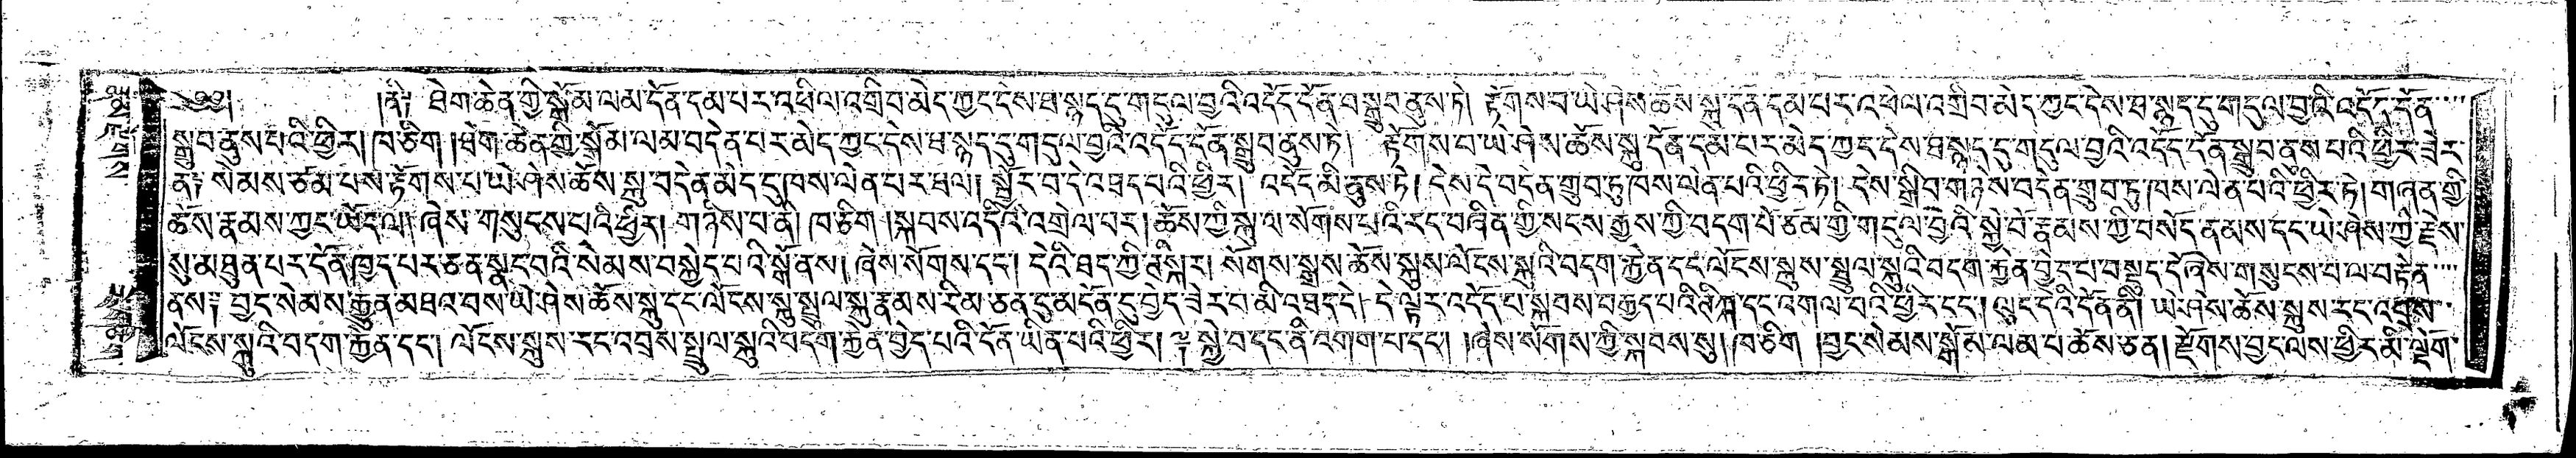༄༅། །ནི༑ ཐེག་ཆེན་གྱི་སྒོམ་ལམ་དོན་དམ་པར་འཕེལ་འགྲིབ་མེད་ཀྱང་དེས་ཐ་སྙད་དུ་གདུལ་བྱའི་འདོད་དོན་བསྒྲུབ་ནུས་ཏེ། རྟོགས་པ་ཡེ་ཤེས་ཆོས་སྐུ་དོན་དམ་པར་འཕེལ་འགྲིབ་མེད་ཀྱང་དེས་ཐ་སྙད་དུ་གདུལ་བྱའི་འདོད་དོན་
སྒྲུབ་ནུས་པའི་ཕྱིར། ཁ་ཅིག །ཐེག་ཆེན་གྱི་སྒོམ་ལམ་བདེན་པར་མེད་ཀྱང་དེས་ཐ་སྙད་དུ་གདུལ་བྱའི་འདོད་དོན་སྒྲུབ་ནུས་ཏེ། རྟོགས་པ་ཡེ་ཤེས་ཆོས་སྐུ་དོན་དམ་པར་མེད་ཀྱང་དེས་ཐ་སྙད་དུ་གདུལ་བྱའི་འདོད་དོན་སྒྲུབ་ནུས་པའི་ཕྱིར་ཟེར་
ན༑ སེམས་ཙམ་པས་རྟོགས་པ་ཡེ་ཤེས་ཆོས་སྐུ་བདེན་མེད་དུ་ཁས་ལེན་པར་ཐལ། སྦྱོར་བ་དེ་འཐད་པའི་ཕྱིར། འདོད་མི་ནུས་ཏེ། དེས་དེ་བདེན་གྲུབ་ཏུ་ཁས་ལེན་པའི་ཕྱིར་ཏེ། དེས་སྒྲིབ་གཉིས་བདེན་གྲུབ་ཏུ་ཁས་ལེན་པའི་ཕྱིར་ཏེ། གཞན་གྱི་
ཆོས་རྣམས་ཀྱང་ཡོད་ལ། ཞེས་གསུངས་པའི་ཕྱིར། གཉིས་པ་ནི། ཁ་ཅིག །སྐབས་འདིའི་འགྲེལ་པར། ཆོས་ཀྱི་སྐུ་ལ་སོགས་པའི་རང་བཞིན་གྱི་སངས་རྒྱས་ཀྱི་བདག་པོ་ཙམ་གྱི་གདུལ་བྱའི་སྐྱེ་བོ་རྣམས་ཀྱི་བསོད་ནམས་དང་ཡེ་ཤེས་ཀྱི་རྗེས་
སུ་མཐུན་པར་དོན་ཁྱད་པར་ཅན་སྣང་བའི་སེམས་བསྐྱེད་པའི་སྒོ་ནས། ཞེས་སོགས་དང་། དེའི་ཐད་ཀྱི་ཊིཀྐར། སོགས་སྒྲས་ཆོས་སྐུས་ལོངས་སྐུའི་བདག་རྐྱེན་དང་ལོངས་སྐུས་སྤྲུལ་སྐུའི་བདག་རྐྱེན་བྱེད་པ་བསྡུད་དོ་ཞེས་གསུངས་པ་ལ་བརྟེན་
ནས༑ བྱང་སེམས་རྒྱུན་མཐའ་བས་ཡེ་ཤེས་ཆོས་སྐུ་དང་ལོངས་སྐུ་སྤྲུལ་སྐུ་རྣམས་རིམ་ཅན་དུ་མངོན་དུ་བྱེད་ཟེར་བ་མི་འཐད་དེ། དེ་ལྟར་འདོད་པ་སྐབས་བརྒྱད་པའི་ཊིཀྐ་དང་འགལ་བའི་ཕྱིར་དང་། ལུང་དེའི་དོན་ནི། ཡེ་ཤེས་ཆོས་སྐུས་རང་འབྲས་
ལོངས་སྐུའི་བདག་རྐྱེན་དང་། ལོངས་སྐུས་རང་འབྲས་སྤྲུལ་སྐུའི་བདག་རྐྱེན་བྱེད་པའི་དོན་ཡིན་པའི་ཕྱིར། ༈སྐྱེ་བ་དང་ནི་འགག་པ་དང་། །ཞེས་སོགས་ཀྱི་སྐབས་སུ། ཁ་ཅིག །བྱང་སེམས་སྒོམ་ལམ་པ་ཆོས་ཅན། རྫོགས་བྱང་ལས་ཕྱིར་མི་ལྡོག་